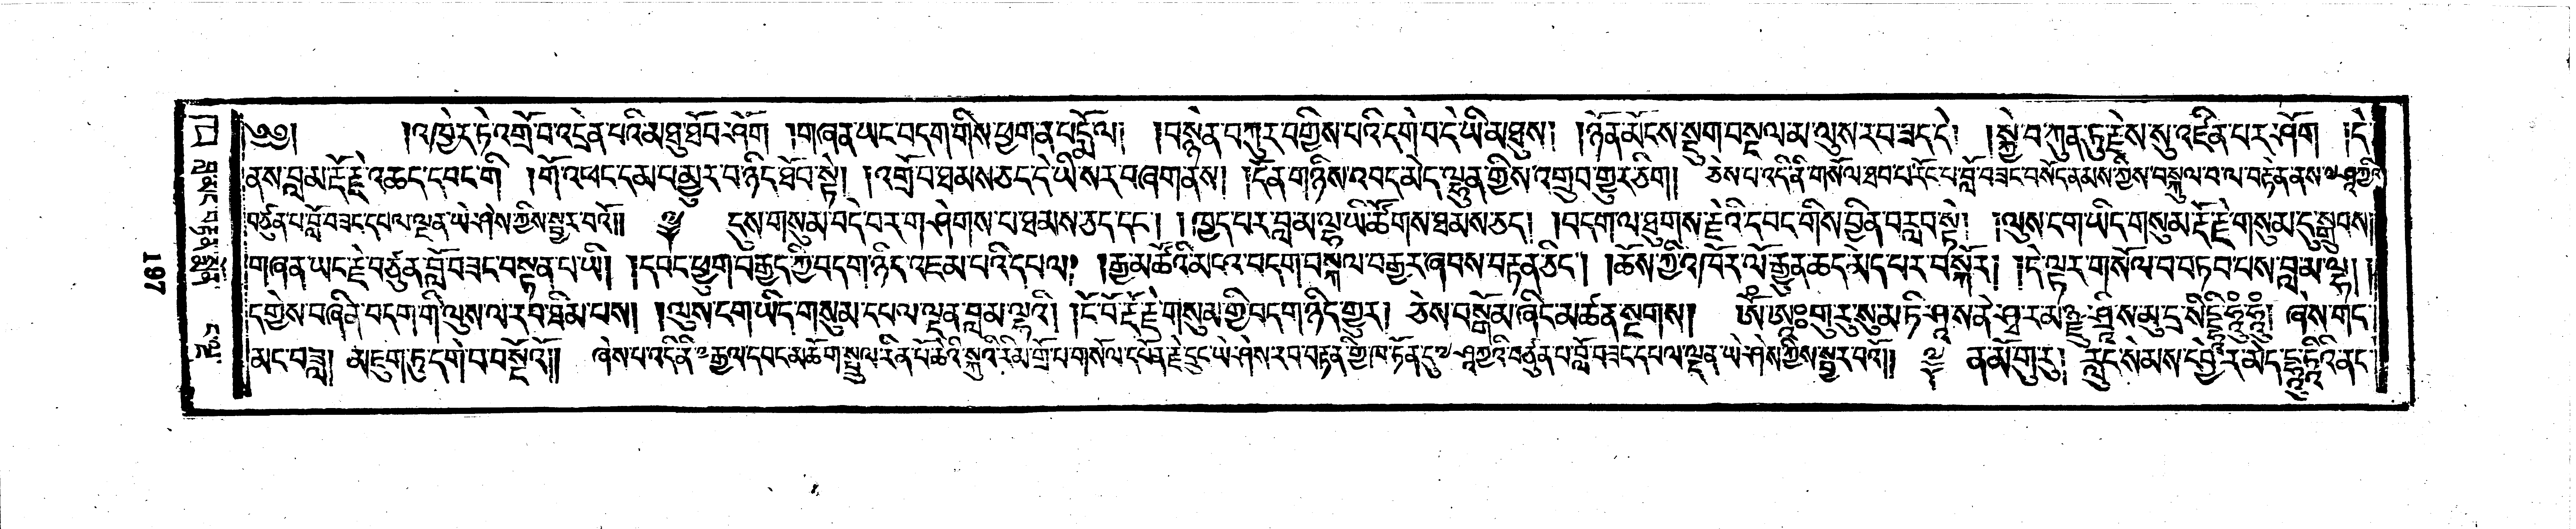༄༅། །འཁྱེར་ཏེ་འགྲོ་པ་འདྲེན་པའི་མཐུ་ཐོབ་ཤོག །གཞན་ཡང་བདག་གིས་ཕྱག་ན་པདམོ་ལ། །བསྙེན་བཀུར་བགྱིས་པའི་དགེ་པ་དེ་ཡི་མཐུས། །ཉོན་མོངས་སྡུག་བསྔལ་མ་ལུས་རབ་ཟད་དེ། །སྐྱེ་པ་ཀུན་ཏུ་རྗེས་སུ་འཛིན་པར་ཤོག །དེ་
ནས་བླ་མ་རྡོ་རྗེ་འཆད་དབང་གི །གོ་འཕང་དམ་པ་མྱུར་པ་ཉིད་ཐོབ་སྟེ། །འགྲོ་བ་ཐམས་ཅད་དེ་ཡི་སར་བཞག་ནས། །དོན་གཉིས་འབད་མེད་ལྷུན་གྱིས་འགྲུབ་གྱུར་ཅིག། ཅེས་པ་འདི་ནི་གསོལ་ཐབ་པ་རོང་བ་བློ་བཟང་བསོད་ནམས་ཀྱིས་བསྐུལ་བ་ལ་བརྟེན་ནས་༧་ཤཱཀྱའི་
བཙུན་བ་བློ་བཟང་དཔལ་ལྡན་ཡེ་ཤེས་ཀྱིས་སྦྱར་པའོ།། ༈ དུས་གསུམ་བདེ་བར་གཤེགས་པ་ཐམས་ཅད་དང་། །ཁྱད་པར་བླ་མ་ལྷ་ཡི་ཚོགས་ཐམས་ཅད། །བདག་ལ་ཐུགས་རྗེའི་དབང་གིས་བྱིན་བརླབ་སྟེ། །ལུས་ངག་ཡིད་གསུམ་རྡོ་རྗེ་གསུམ་དུ་སྒྲུབས།
གཞན་ཡང་རྗེ་བཙུན་བློ་བཟང་བསྟན་པ་ཡི། །དབང་ཕྱུག་བརྒྱད་ཀྱི་བདག་ཉིས་འཇམ་པའི་དཔལ། །རྒྱ་མཚོའི་མངའ་བདག་བསྐལ་བརྒྱར་ཞབས་བརྟན་ཅིང་། །ཆོས་ཀྱི་འཁོར་ལོ་རྒྱུན་ཆད་མེད་པར་བསྐོར། །དེ་ལྟར་གསོལ་བ་བཏབ་པས་བླ་མ་ལྷ། །
དགྱེས་བཞིན་བདག་གི་ལུས་ལ་རབ་ཐིམ་པས། །ལུས་ངག་ཡིད་གསུམ་དཔལ་ལྡན་བླ་མ་ལྷའི། །ངོ་བོ་རྡོ་རྗེ་གསུམ་གྱི་བདག་ཉིད་གྱུར། །ཅེས་བསྒོམ་ཞིང་མཚན་སྔགས། ཨོཾ་ཨཱཿ གུ་རུ་སུ་མ་ཏི་ཤཱ་ས་ནེ་ཤྭ་ར་མ་ཉྫུ་ས་མུ་དྲ་སིདྡྷཱི་ཧཱུཾ་ཧཱུཾ། ཞེས་གང་
མང་བཟླ། མཇུག་ཏུ་དགེ་བ་བསྔོའོ།། ཞེས་པ་འདི་ནི་༧་རྒྱལ་དབང་མཆོག་སྤྲུལ་རིན་པོ་ཆེའི་སྐུའི་རིམ་འགྲོ་པ་གསོལ་དཔོན་རྗེ་དྲུང་ཡེ་ཤེས་རབ་བརྟན་གྱི་ཁ་ཧོན་དུ་༧་ཤཱཀྱའི་བཙུན་པ་བློ་བཟང་དཔལ་ལྡན་ཡེ་ཤེས་ཀྱིས་སྦྱར་བའོ།། ༈ ན་མོ་གུ་རུ། རླུང་སེམས་དབྱེར་མེད་དྷཱུ་ཏཱིའི་ནང་